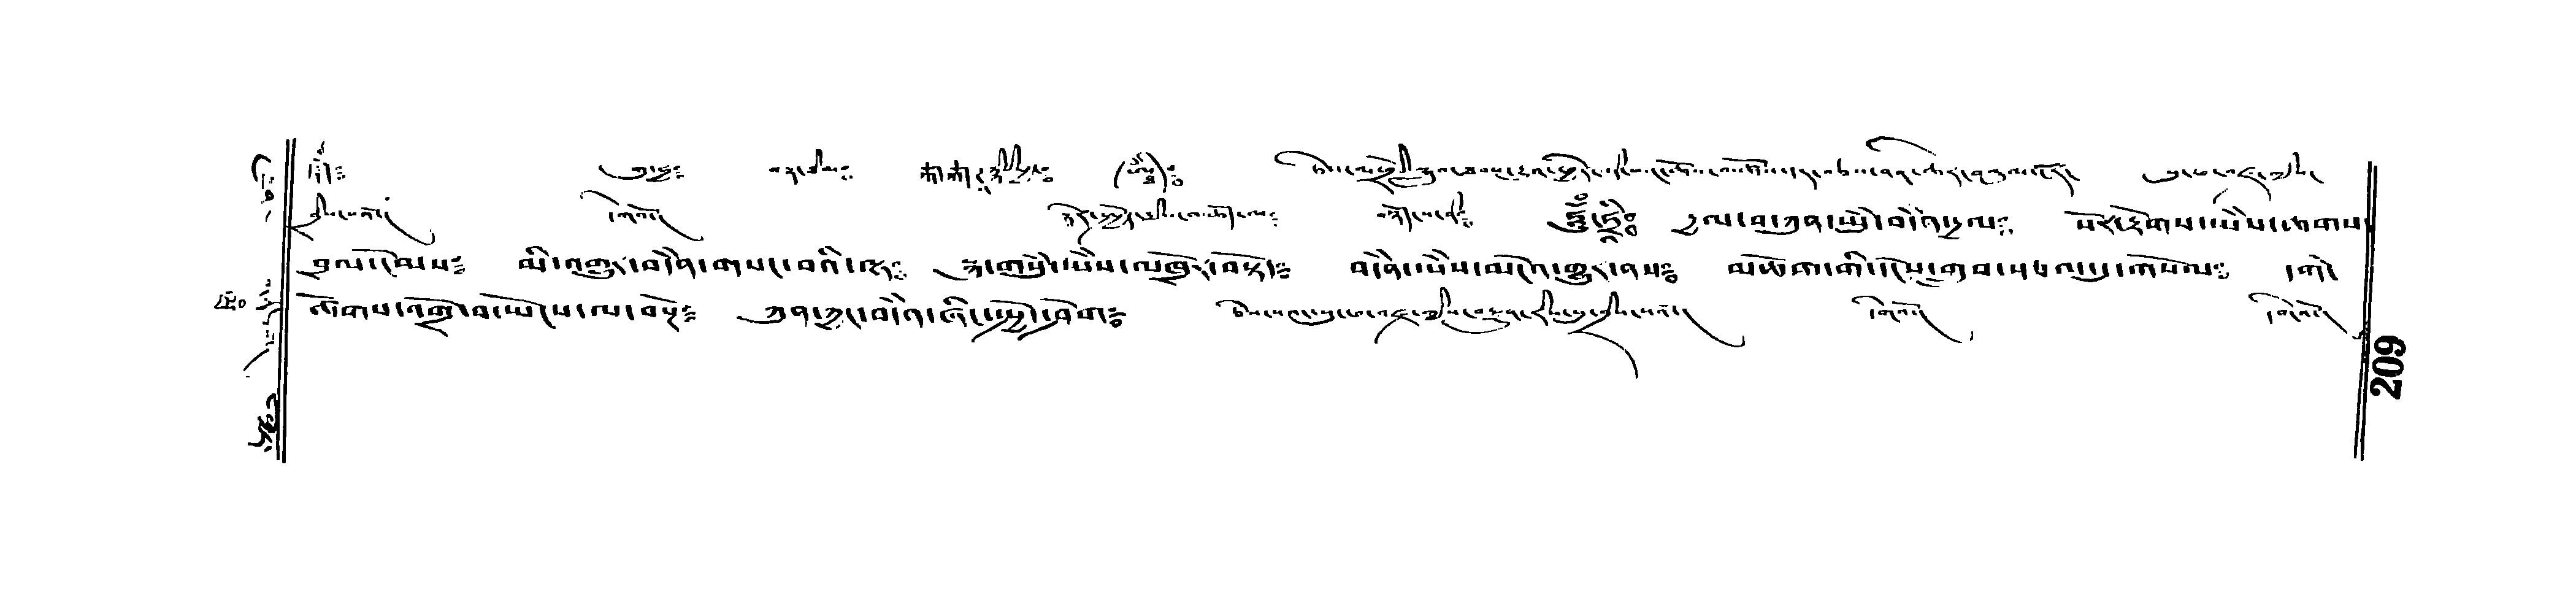གུ་ཧྱ༔ བརྡ་ཐིམ༔ ༔ ཅེས་མཁའ་འགྲོའི་སྒྲུབ་ཐབས་རྒྱུན་ཁྱེར་འདི་ཡང་ཆོས་མཚོས་དར་བཅས་ནན་ཆེར་བསྐུལ་ངོར། སུ་ཁ་བཛྲ་གྱིས་
བྲིས་པའོ།། དགེའོ།། ཉེར་སྤྱོད་ཀྱིས་མཆོད་ལ༔ བསྟོད་པ་ནི༔ ཧཱུྃ་ཧྲཱིཿ རྒྱལ་བ་ཀུན་ཡུམ་བདེ་ཆེན་རྒྱལ༔ སོར་རྟོགས་ཡེ་ཤེས་ཆགས་
བྲལ་ངོམ༔ མི་འགྱུར་བདེ་ཆེན་གསང་བའི་ལྷ༔ སྐུ་གསུམ་ཡེ་ཤེས་མཁའ་འགྲོར་བསྟོད༔ བདེ་ཆེན་ཡེ་ཤེས་མངོན་གྱུར་ནས༔ མཆོག་གི་དངོས་གྲུབ་བསྩལ་དུ་གསོལ༔ དགེ་
ཚོགས་འགྲོ་བ་ཡོངས་ལ་བསྔོ༔ ཀུན་ཀྱང་བདེ་ཆེན་ཞིང་སྤྱོད་ཤོག༔ ཅེས་པའང་སུ་ཁ་བཛྲ་གྱིས་བརྫུན་རིས་སུ་བྲིས་པའོ།། དགེའོ།།